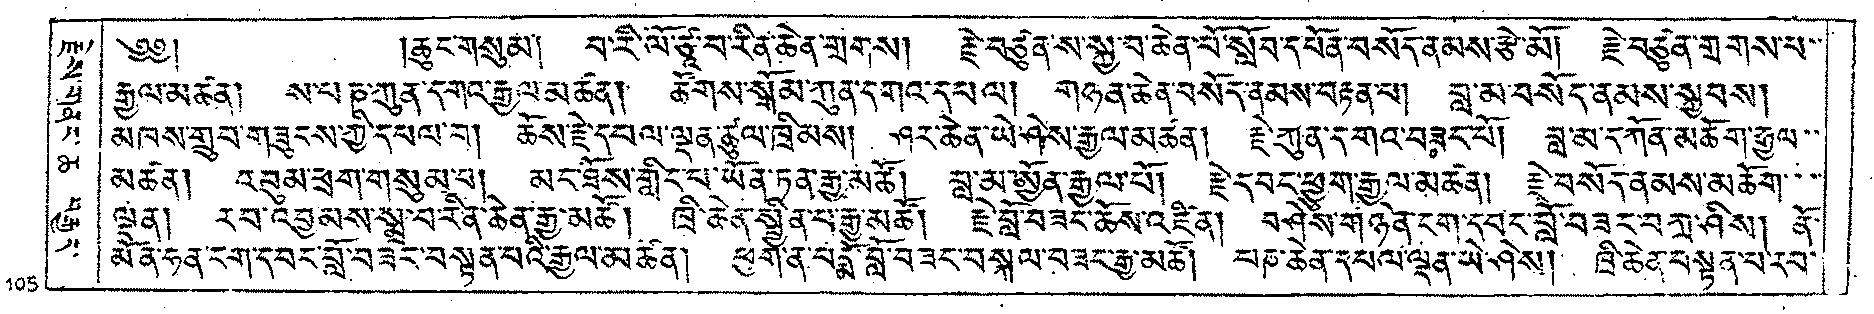༄༅། །ཆུང་གསུམ། བ་རི་ལོ་ཙཱ་བ་རིན་ཆེན་གྲགས། རྗེ་བཙུན་ས་སྐྱ་བ་ཆེན་པོ་སློབ་དཔོན་བསོད་ནམས་རྩེ་མོ། རྗེ་བཙུན་གྲགས་པ་
རྒྱལ་མཚན། ས་པཎ་ཀུན་དགའ་རྒྱལ་མཚན། ཚོགས་སྒོམ་ཀུན་དགའ་དཔལ། གཉན་ཆེན་བསོད་ནམས་བརྟན་པ། བླ་མ་བསོད་ནམས་སྐྱབས།
མཁས་གྲུབ་གཟུངས་ཀྱི་དཔལ་བ། ཆོས་རྗེ་དཔལ་ལྡན་ཚུལ་ཁྲིམས། ཤར་ཆེན་ཡེ་ཤེས་རྒྱལ་མཚན། རྗེ་ཀུན་དགའ་བཟང་པོ། བླ་མ་དཀོན་མཆོག་རྒྱལ་
མཚན། འབུམ་ཕྲག་གསུམ་པ། མང་ཐོས་གླིང་པ་ཡོན་ཏན་རྒྱ་མཚོ། བླ་མ་ཨཡོན་རྒྱལ་པོ། རྗེ་དབང་ཕྱུག་རྒྱལ་མཚན། རྗེ་བསོད་ནམས་མཆོག་
ལྡན། རབ་འབྱམས་སྨྲ་བ་རིན་ཆེན་རྒྱ་མཚོ། ཁྲི་ཆེན་སྦྱིན་པ་རྒྱ་མཚོ། རྗེ་བློ་བཟང་ཆོས་འཛིན། བཤེས་གཉེན་ངག་དབང་བློ་བཟང་བཀྲ་ཤིས། ནོ་
མོན་ཧན་ངག་དབང་བློ་བཟང་བསྟན་པའི་རྒྱལ་མཚན། ཕྱག་ན་པདམོ་བློ་བཟང་བསྐལ་བཟང་རྒྱ་མཚོ། པཎ་ཆེན་དཔལ་ལྡན་ཡེ་ཤེས། ཁྲི་ཆེན་བསྟན་པ་རབ་